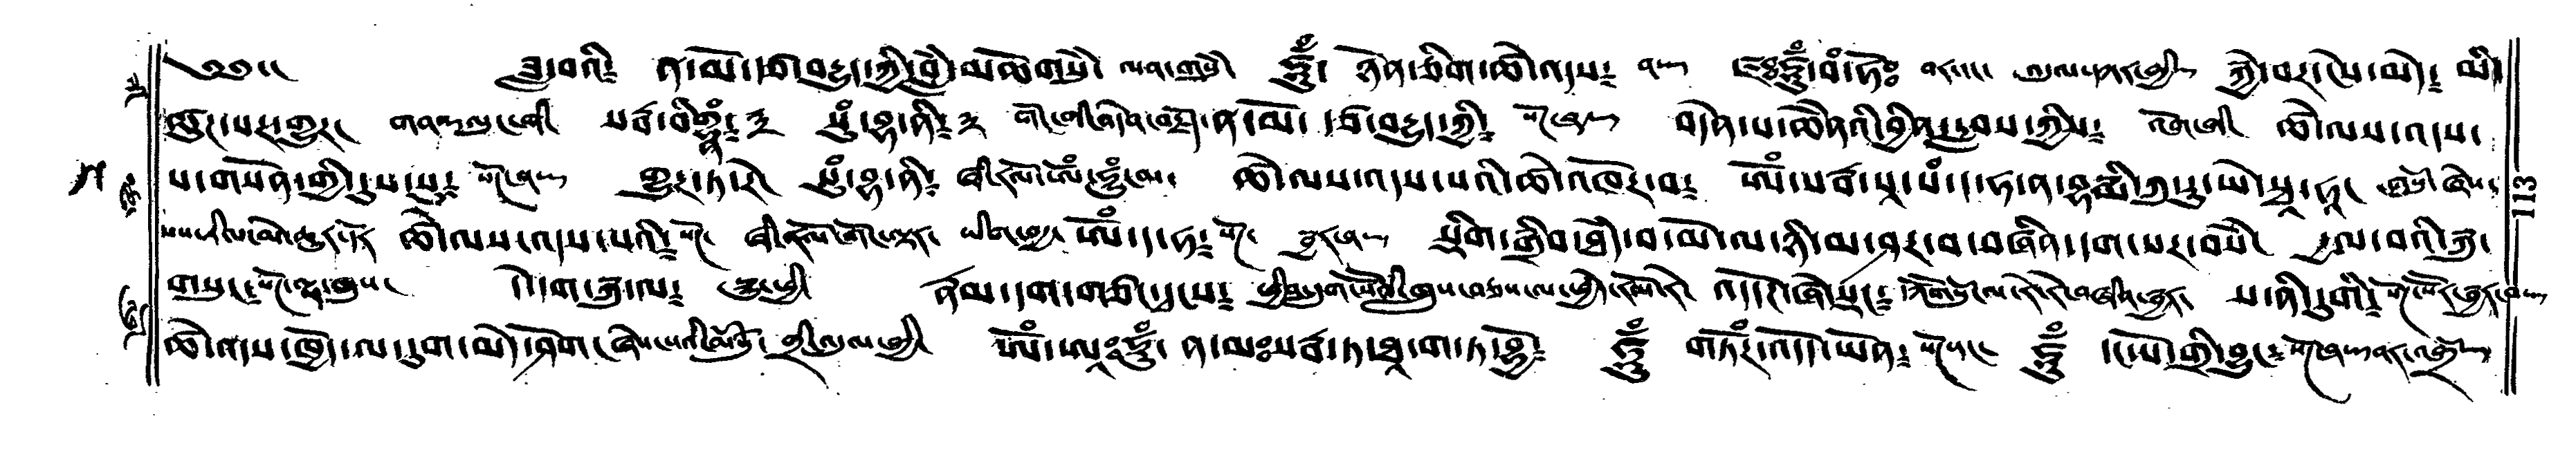ཟླ་བའི༴ ན་མོ། རྩ་བརྒྱུད་ཀྱི་བླ་མ་མཆོག་གསུམ༴ ལན་གསུམ། ཧཱུྃ། ཉོན་ཅིག་ཚེ་འདས༴ ནས། ཛཿཧཱུྃ་བཾ་ཧོཿ བར་དང་། འདུལ་དཀར་གྱི། སྐྱེ་བར་ངེས་མེད༴ མི་
ཚུགས་པར་གྱུར། གནས་ལུང་གི སརྦ་བིགྷྣཾ༴ གསུམ། སུཾ་བྷ་ནི༴ གསུམ། གོང་གི་བདེན་བརྗོད། ན་མོ། རྩ་བརྒྱུད་ཀྱི༴ སོགས་ནས། བདེན་པ་ཆེན་པོའི་བྱིན་རླབས་ཀྱིས༴ འོག་གི ཚེ་ལས་འདས་
པ་གསོན་གྱི་དུས་སུ༴ སོགས་ནས། གྱུར་ཏ་རེ། སུཾ་བྷ་ནི༴ ཞི་རོལ་ཨོཾ་ཧཱུཾ་མ། ཚེ་ལས་འདས་པའི་ཚེ་འཁོར་བ༴ ཨོཾ་སརྦ་པཱ་པཾ་ད་ཧ་ན་བྷསྨི་ཀུ་རུ་ཡེ་སྭ་ཧཱ། གསུམ། ཞེས་
པས་ཏིལ་མེ་ཆུར་དོར། ཚེ་ལས་འདས་པའི༴ སོགས། ཞི་རོལ་གོང་ལྟར། ཡིག་བརྒྱ། ཨོཾ་ད་ཧ༴ སོགས། སྦྱར་ནས། སྡིག་སྒྲིབ་ཐམས་ཅད་བ་མོ་ལ་ཉི་མ་ཤར་བ་བཞིན་དག་པར་བསམ། རྒྱལ་བའི་སྐུ་
གསུང༴ སོགས་ལྷ་ཁྲུས། དེ་དག་སྐུ་ལ༴ སྐུ་ཕྱི། རྣམ་དག་གཙང་དྭངས༴ ཕྱིན་དྲུག་སོ་སོའི་ཁྲུས་བཅས་ལ་ཕྱེད་རོལ་རེ། འདོད་ཆགས་ཞེ་སྡང༴ དཀོན་མཆོག་གསུམ་ལ་རེ་རེ་བཞིན་སྦྱར། ས་ནི་དུག་གི༴ སོགས་སོ་སོར་སྦྱར་བས། 
ཚེ་འདས་ཁྱོད་ལ་དུག་མེད་ཤོག ཞེས་པའི་མཚམས་སུ། གྲི་འདུལ་གྱི། ཨོཾ་ཨཱཿཧཱུྃ། ན་མཿསརྦ་ཏ་ཐཱ་ག་ཏ་བྷྱོ༴ ཧཱུྃ། གཏོར་མ་འདོད་ཡོན༴ སོགས་དང་། ཧཱུྃ། དང་པོ་གྲི་བྱུང༴ སོགས་ནས་འགྲེས།